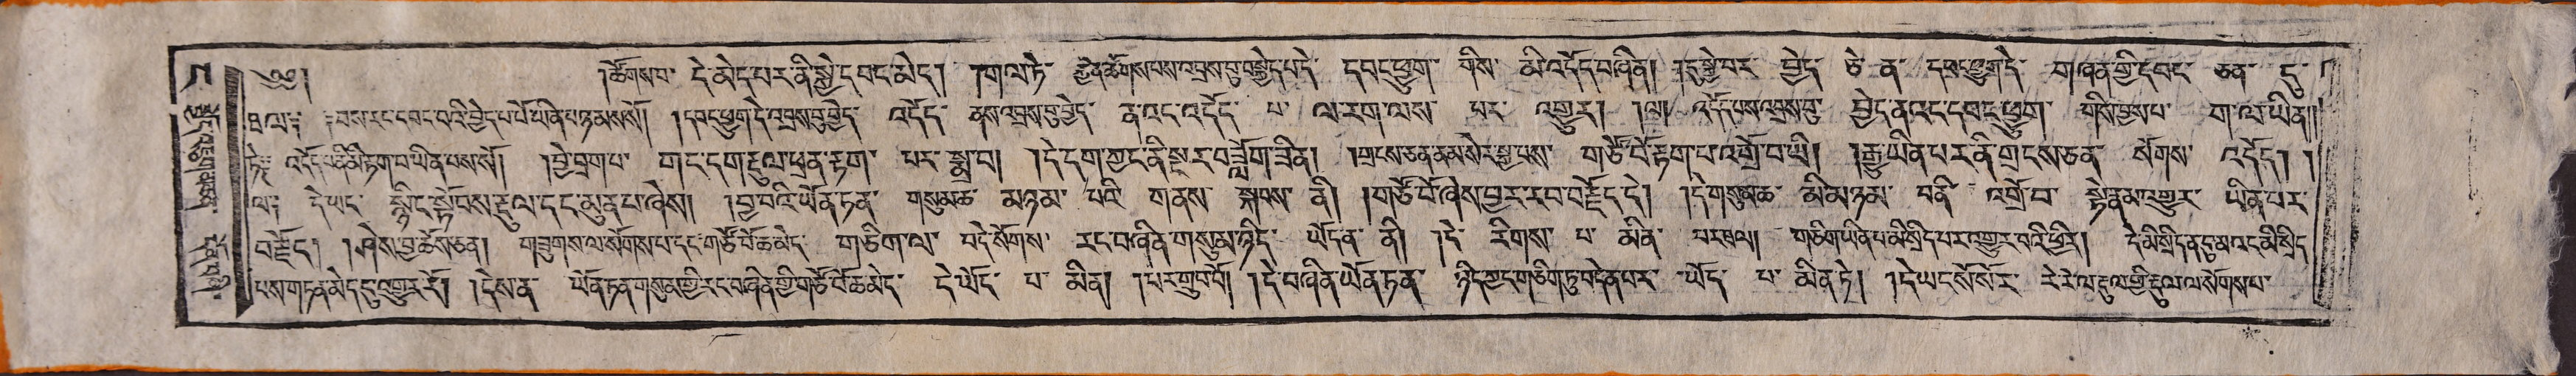༄༅། །ཚོགས་པ་དེ་མེད་པར་ནི་སྐྱེ་དབང་མེད། །གལ་ཏེ་རྐྱེན་ཚོགས་པས་འབྲས་བུ་བསྐྱེད་པ་དེ་དབང་ཕྱུག་གིས་མི་འདོད་བཞིན། །དུ་སྐྱེ་བར་བྱེད་ཅེ་ན་དབང་ཕྱུག་དེ་གཞན་གྱི་དབང་ཅན་དུ།
ཐལ༑ ༑བས་རང་དབང་པའི་བྱེད་པ་པོ་ཡིན་པ་ཉམས་སོ། །དབང་ཕྱུག་དེ་འབྲས་བུ་བྱེད་འདོད་ནས་འབྲས་བུ་བྱེད་ནའང་འདོད་པ་ལ་རག་ལས་པར་འགྱུར། །ལ། འདོད་པས་འབྲས་བུ་བྱེད་ནའང་དབང་ཕྱུག་གིས་བྱས་པ་ག་ལ་ཡིན་
ཏེ༑ འདོད་པ་ནི་མི་རྟག་པ་ཡིན་པས་སོ། །བྱེ་བྲག་པ་གང་དག་རྡུལ་ཕྲན་རྟག་པར་སྨྲ་བ། །དེ་དག་ཀྱང་ནི་སྔར་བཟློག་ཟིན། །གྲངས་ཅན་ནམ་སེར་སྐྱ་བས་གཙོ་བོ་རྟག་པ་འགྲོ་བ་ཡི། །རྒྱུ་ཡིན་པར་ནི་གྲངས་ཅན་སོགས་འདོད། །
ལ༑ དེ་ཡང་སྙིང་སྟོབས་རྡུལ་དང་མུན་པ་ཞེས། །བྱ་བའི་ཡོན་ཏན་གསུམ་ཆ་མཉམ་པའི་གནས་སྐབས་ནི། །གཙོ་བོ་ཞེས་བྱར་རབ་བརྗོད་དེ། །དེ་གསུམ་ཆ་མི་མཉམ་བ་ནི་འགྲོ་བ་སྟེ་རྣམ་འགྱུར་ཡིན་པར་
བརྗོད། །ཤེས་བྱ་ཆོས་ཅན། །གཟུགས་ལ་སོགས་པ་དང་གཙོ་བོ་ཆ་མེད་གཅིག་ལ་བདེ་སོགས་རང་བཞིན་གསུམ་ཉིད་ཡོད་ན་ནི། །དེ་རིགས་པ་མིན་པར་ཐལ། གཅིག་ཡིན་པ་མི་སྲིད་པར་འགྱུར་བའི་ཕྱིར། དེ་མི་སྲིད་ན་དུ་མའང་མི་སྲིད་
བས་གཏན་མེད་དུ་འགྱུར་རོ། །དེས་ན་ཡོན་ཏན་གསུམ་གྱི་རང་བཞིན་གྱི་གཙོ་བོ་ཆ་མེད་དེ་ཡོད་པ་མིན། །པར་གྲུབ་བོ།  །དེ་བཞིན་ཡོན་ཏན་ཉིད་ཀྱང་གཅིག་ཏུ་བདེན་པར་ཡོད་པ་མིན་ཏེ། །དེ་ཡང་སོ་སོར་རེ་རེ་ལ་རྡུལ་གྱི་རྡུལ་ལ་སོགས་པ་